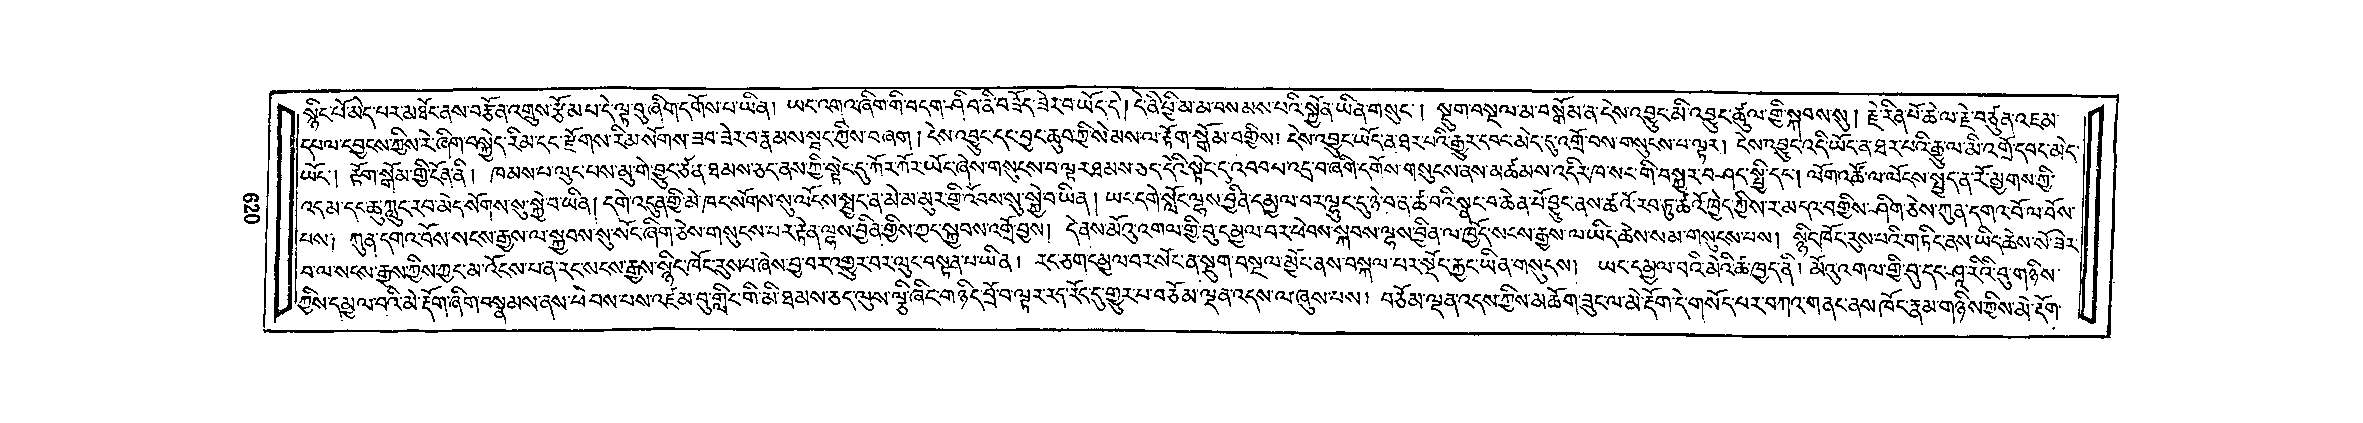སྙིང་པོ་མེད་པར་མཐོང་ནས་བརྩོན་འགྲུས་རྩོམ་པ་ད་ལྟ་བུ་ཞིག་དགོས་པ་ཡིན། ཡང་འགའ་ཞིག་གི་བདག་ཤི་བ་ནི་བཟོད་ཟེར་བ་ཡོད་དེ། དེ་ནི་ཕྱི་མ་མ་བསམས་པའི་སྐྱོན་ཡིན་གསུངས། སྡུག་བསྔལ་མ་བསྒོམ་ན་ངེས་འབྱུང་མི་འབྱུང་ཚུལ་གྱི་སྐབས་སུ། རྗེ་རིན་པོ་ཆེ་ལ་རྗེ་བཙུན་འཇམ་
དཔལ་དབྱངས་ཀྱིས་རེ་ཞིག་བསྐྱེད་རིམ་དང་རྫོགས་རིམ་སོགས་ཟབ་ཟེར་བ་རྣམས་སྦད་ཀྱིས་བཞག །ངེས་འབྱུང་དང་བྱང་ཆུབ་ཀྱི་སེམས་ལ་རྟོག་སྒོམ་བགྱིས། ངེས་འབྱུང་ཡོད་ན་ཐར་པའི་རྒྱུར་དབང་མེད་དུ་འགྲོ་བས་གསུངས་པ་ལྟར། ངེས་འབྱུང་འདི་ཡོད་ན་ཐར་པའི་རྒྱུ་ལ་མི་འགྲོ་དབང་མེད་
ཡོད། རྟོག་སྒོམ་གྱི་དོན་ནི། ཁམས་པ་ལུང་པས་མུ་གེ་བྱུང་ཙ་ན་ཐམས་ཅད་ནས་ཀྱི་སྟེང་དུ་ཀོར་ཀོར་ཡོང་ཞེས་གསུངས་པ་ལྟར་ཐམས་ཅད་དེའི་སྟེང་དུ་འབབ་པ་འདྲ་བ་ཞིག་དགོས་གསུངས་ནས་མཚམས་འདིར་ཁ་སང་གི་བསྐྱར་བཤད་སྤྱི་དང་། ལོག་འཚོ་ལ་ལོངས་སྤྱོད་ན་རོ་མྱགས་ཀྱི་
འདམ་དང་ཆུ་ཀླུང་རབ་མེད་སོགས་སུ་སྐྱེ་བ་ཡིན། དགེ་འདུན་གྱི་མེ་ཁང་སོགས་སུ་ལོངས་སྤྱོད་ན་མེ་མ་མུར་གྱི་འོབས་སུ་སྐྱེ་བ་ཡིན། ཡང་དགེ་སློང་ལྷས་བྱིན་དམྱལ་བར་ལྷུང་དུ་ཉེ་བ་ན་ཚ་བའི་སྣང་བ་ཆེན་པོ་བྱུང་ནས་ཚའོ་རབ་ཏུ་ཚའོ་ཁྱེད་ཀྱིས་ར་མདའ་བགྱིས་ཤིག་ཅེས་ཀུན་དགའ་བོ་ལ་བོས་
པས། ཀུན་དགའ་བོས་སངས་རྒྱས་ལ་སྐྱབས་སུ་སོང་ཞིག་ཅེས་གསུངས་པར་རྟེན་ལྷས་བྱིན་གྱིས་ཀྱང་སྐྱབས་འགྲོ་བྱས། དེ་ནས་མོའུ་འགལ་གྱི་བུ་དམྱལ་བར་ཕེབས་སྐབས་ལྷས་བྱིན་ལ་ཁྱོད་སངས་རྒྱས་ལ་ཡིད་ཆེས་སམ་གསུངས་པས། སྙིང་ཁོང་རུས་པའི་གཏིང་ནས་ཡིད་ཨཆེས་སོ་ཟེར་
བ་ལ་སངས་རྒྱས་ཀྱིས་ཀྱང་མ་འོངས་པ་ན་རང་སངས་རྒྱས་སྙིང་ཁོང་རུས་པ་ཞེས་བྱ་བར་འགྱུར་བར་ལུང་བསྟན་པ་ཡིན། རང་ཅག་དམྱལ་བར་སོང་ན་སྡུག་བསྔལ་མྱོང་ནས་བསྐལ་པར་སྡོད་རྐྱང་ཡིན་གསུངས། ཡང་དམྱལ་བའི་མེའི་ཚ་ཁྱད་ནི། མོའུ་འགལ་གྱི་བུ་དང་ཤཱ་རིའི་བུ་གཉིས་
ཀྱིས་དམྱལ་བའི་མེ་རྡོག་ཞིག་བསྣམས་ནས་ཕེབས་པས་འཛམ་བུ་གླིང་གི་མི་ཐམས་ཅད་ལུས་ལྕི་ཞིང་གཉིད་བྲོ་བ་ལྟར་རད་རོང་དུ་གྱུར་པ་བཅོམ་ལྡན་འདས་ལ་ཞུས་པས། བཅོམ་ལྡན་འདས་ཀྱིས་མཆོག་ཟུང་ལ་མེ་རྡོག་དེ་གསོད་པར་བཀའ་གནང་ནས་ཁོང་རྣམ་གཉིས་ཀྱིས་མེ་རྡོག་